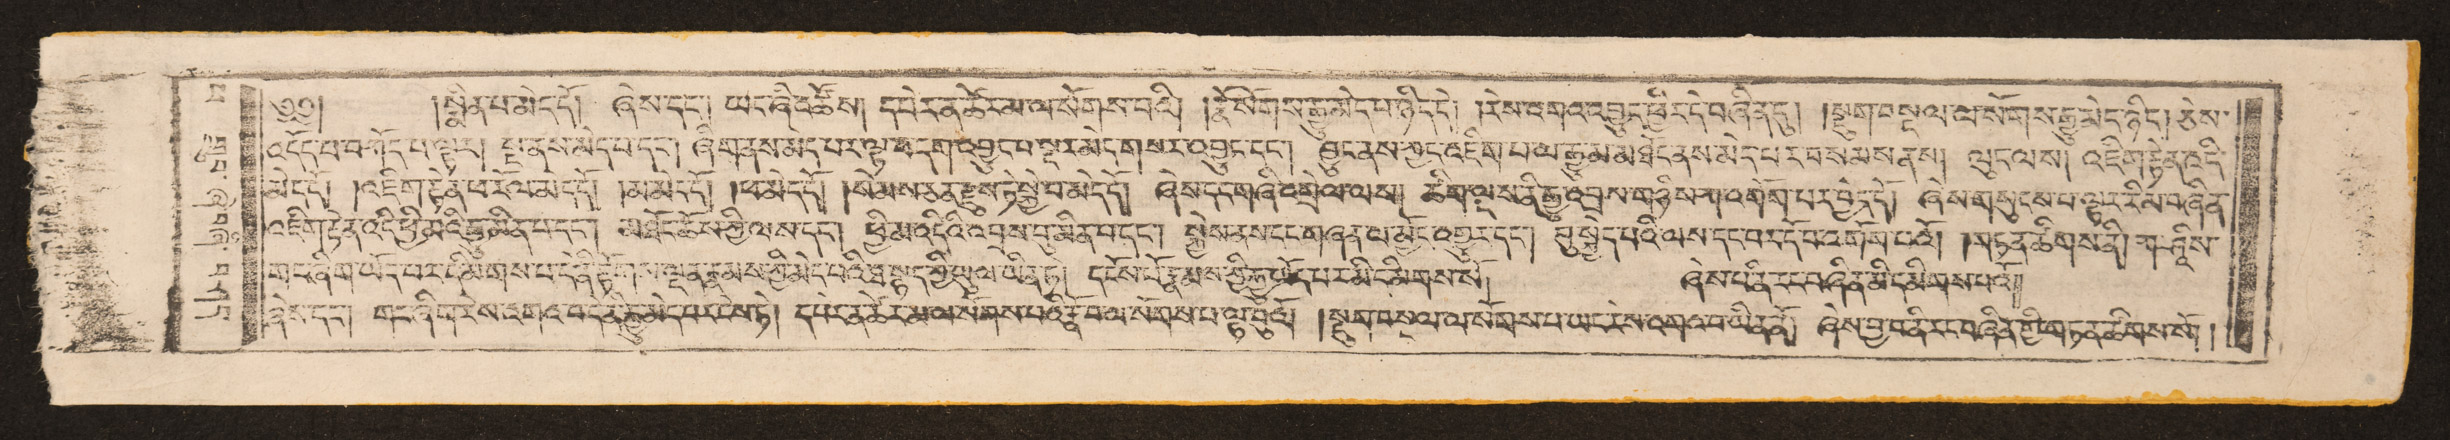༄༅། །སྨིན་པ་མེད་དོ། ཞེས་དང་། ཡང་ཞི་འཚོས། དཔེར་ན་ཚོར་མ་ལ་སོགས་པའི། །རྣོ་སོགས་རྒྱུ་མེད་པ་ཉིད་དེ། །ངེས་འགའ་འཁྱུད་ཕྱིར་དེ་བཞིན་དུ། །སྡུག་བསྔལ་ལ་སོགས་རྒྱུ་མེད་ཉིད། ཅེས་
འདོད་པ་བཀོད་པ་ལྟར། སྔ་ནས་མེད་པ་དང་། ཞིག་ནས་མེད་པར་ལྟ་བདག་འབྱུང་པ་སྔར་མེད་གསར་འབྱུང་དང་། བྱུང་ནས་ཀྱང་འཇིག་པ་ལ་རྒྱུ་མ་མཐོང་ནས་མེད་པར་བསམས་ནས། ལུང་ལས། འཇིག་རྟེན་འདི་
མེད་དོ། །འཇིག་རྟེན་ཕ་རོལ་མེད་དོ། །མ་མེད་དོ། །ཕ་མེད་དོ། །སེམས་ཅན་རྫུས་རྟེ་སྐྱེ་བ་མེད་དོ། ཞེས་དང་གཞི་འགྲེལ་ལས། ཚིག་ལྔས་ནི་རྒྱུ་འབྲས་གཉིས་ཀ་འགོག་པར་བྱེད་དོ། ཞེས་གསུངས་པ་ལྟར་རིམ་བཞིན་
འཇིག་རྟེན་འདི་ཕྱི་མའི་རྒྱུ་མིན་པ་དང་། མཐོང་ཆོས་ཀྱི་ལས་དང་། ཕྱི་མ་འདིའི་འབྲས་བུ་མིན་པ་དང་། སྐྱེས་ནས་དང་གཞན་ལ་མྱོང་འགྱུར་དང་། བུ་སྐྱེད་པའི་ལས་དང་བར་དོ་བ་འགོག་པའོ། །གཏན་ཚིགས་ནི། ཀ་ཤཱིས་
གང་ཞིག་ཡོད་པར་དམིགས་པ་དེ་ནི་རྟོགས་ལྡན་རྣམས་ཀྱི་མེད་པའི་ཐ་སྙད་ཀྱི་ཡུལ་ཡིན་ཏེ། དངོས་པོ་རྣམས་ཀྱི་རྒྱུ་ཡོད་པར་མི་དམིགས་སོ། ཞེས་པ་ནི་རང་བཞིན་མི་དམིགས་པའོ།
ཞེས་དང་། གང་ཞིག་རེས་འགའ་པ་དེ་ནི་རྒྱུ་མེད་པར་ངེས་ཏེ། དཔེར་ན་ཚེར་མ་ལ་སོགས་པའི་རྣོ་བ་ལ་སོགས་པ་ལྟ་བུའོ། །སྡུག་བསྔལ་ལ་སོགས་པ་ཡང་རེས་འགའ་བ་ཡིན་ནོ། ཞེས་བྱ་བ་ནི་རང་བཞིན་གྱི་གཏན་ཚིགས་སོ།།